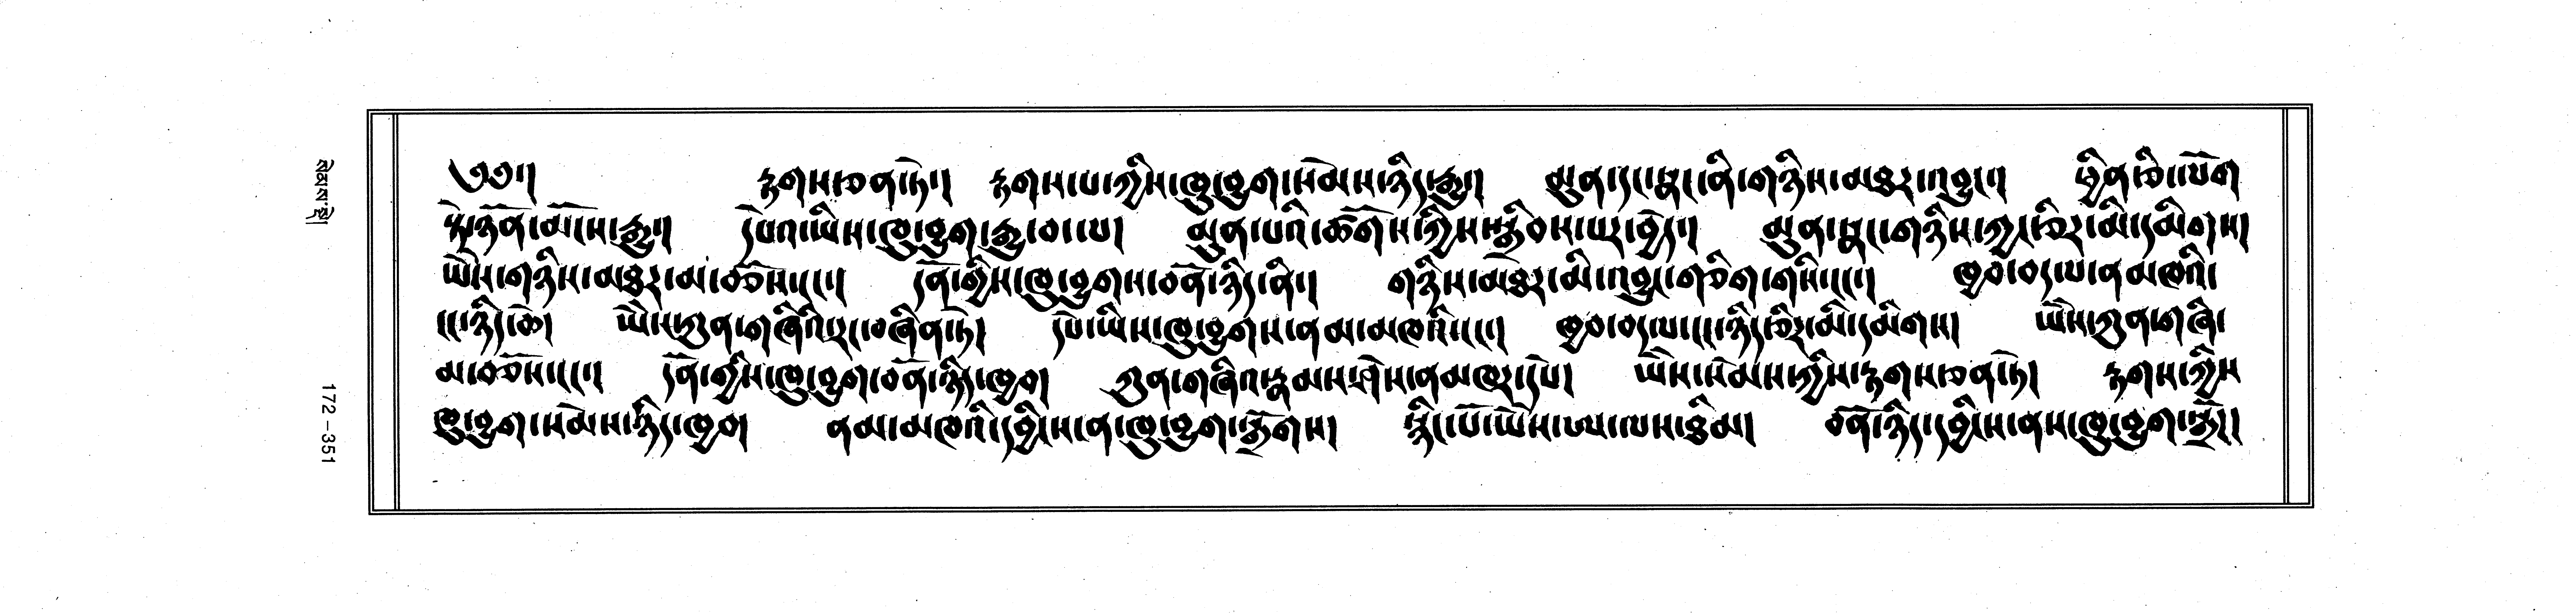རྟགས་ཅན་ཏེ། རྟགས་ཀྱིས་ཁུ་བྱུག་སེམས་ཉིད་རྒྱུ། མུན་དང་སྣང་ནི་གཉིས་མཐར་འབྱུང་། ཕྱིན་ཅི་ལོག་
སྟེ་ཉོན་མོངས་རྒྱུ། དཔེའ་ཡིས་ཁུ་བྱུག་རྒྱུ་བ་ལ། མུན་པའི་ཚོགས་ཀྱིས་སྒྲིབས་པར་བྱེད། མུན་སྣང་གཉིས་ཀྱང་ཅིར་མི་དམིགས། 
ཡེ་ཤེས་གཉིས་མཐར་མ་བཅོས་ངང་། དོན་གྱིས་ཁུ་བྱུག་བོན་ཉིད་ནི། གཉིས་མཐར་མི་འབྱུང་གཅིག་གིས་ངང་། ཁྱབ་བདལ་ནམ་མཁའི་
ངང་ཉིད་ཆེ། ཡེ་ཤེས་ཀུན་གཞིའི་རང་བཞིན་ཏེ། དཔེ་ཡིས་ཁུ་བྱུག་ནམ་མཁའི་ངང་། ཁྱབ་བདལ་ངང་ཉིད་ཅིར་མི་དམིགས། ཡེ་ཤེས་ཀུན་གཞི་
མ་བཅོས་ངང་། དོན་གྱིས་ཁུ་བྱུག་བོན་ཉིད་ཁྱབ། ཀུན་གཞིའ་རྣམ་ཤེས་ནམ་མཁར་དཔེ། ཡེ་ཤེས་སེམས་ཀྱིས་རྟགས་ཅན་ཏེ། རྟགས་ཀྱིས་
ཁུ་བྱུག་སེམས་ཉིད་ཁྱབ། ནམ་མཁའི་དབྱིངས་ན་ཁུ་བྱུག་སྒྲོགས། སྙིང་པོ་ཡེ་ཤེས་ཨ་ལས་ཐིམ། བོན་ཉིད་དབྱིངས་ནས་ཁུ་བྱུག་སྒྲོགས།